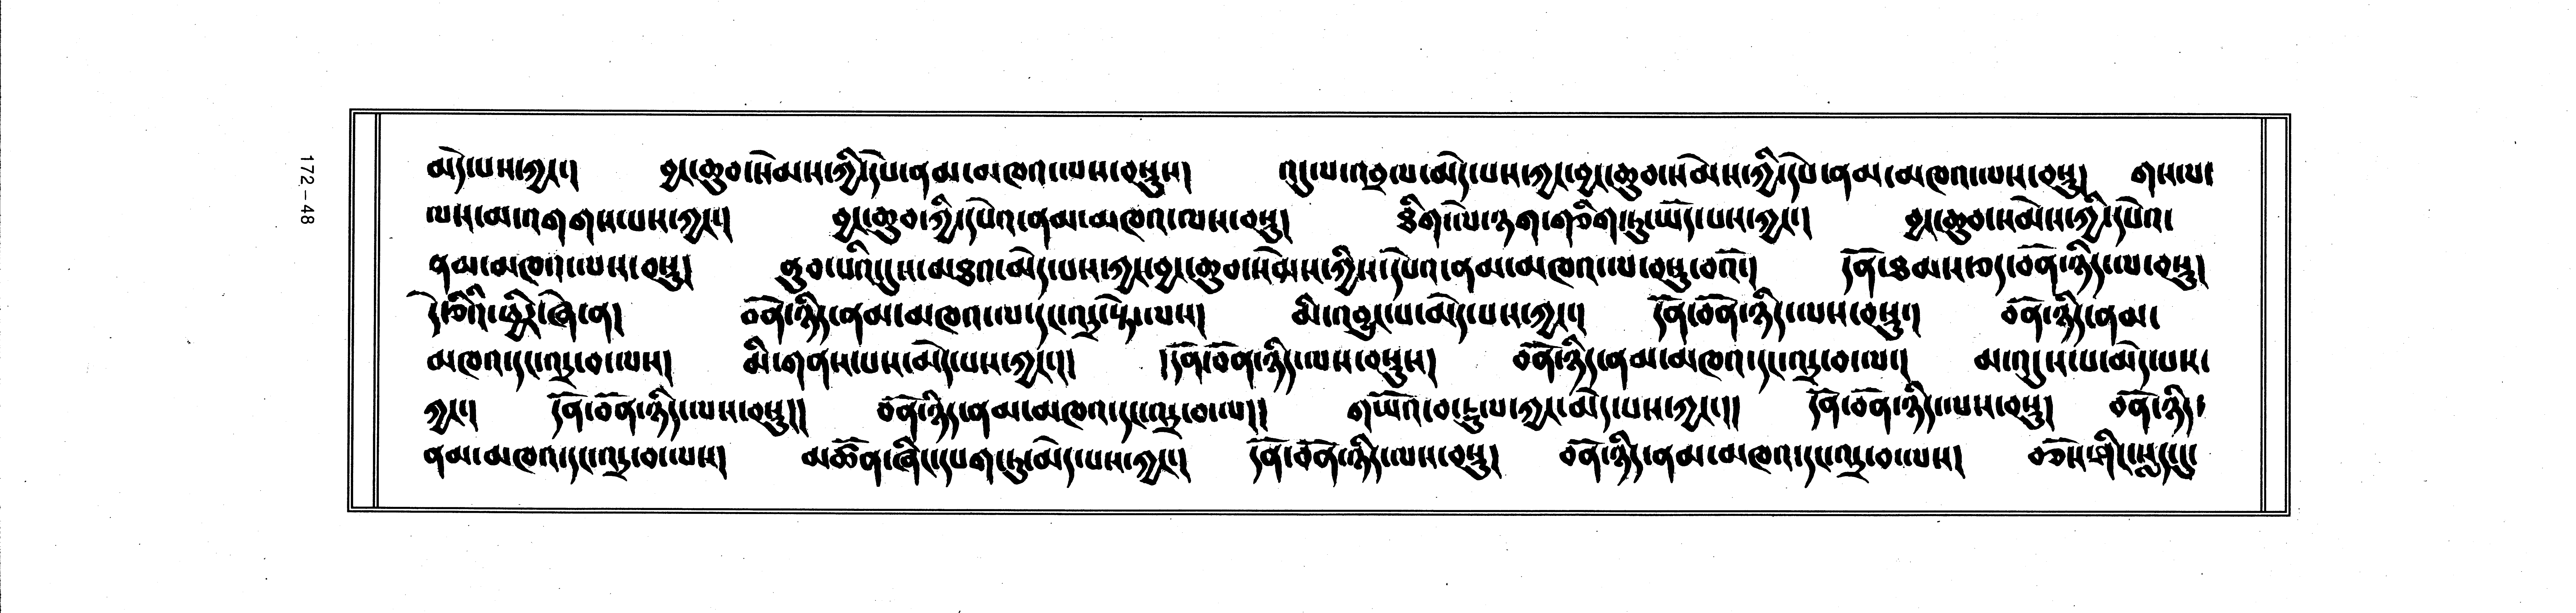མེད་པས་ཀྱང་། བྱང་ཆུབ་སེམས་ཀྱི་དཔེ་ནམ་མཁའ་ལས་བསྡུས། འདུ་འབྲལ་མེད་པས་ཀྱང་བྱང་ཆུབ་སེམས་ཀྱི་དཔེ་ནམ་མཁའ་ལས་བསྡུ། གསལ་
ལས་མ་འགགས་པས་ཀྱང་། བྱང་ཆུབ་ཀྱི་དཔེའ་མཁའ་ལས་བསྡུ། ཐིག་ལེ་ཉག་གཅིག་ཏུ་ཡོད་པས་ཀྱང་། བྱང་ཆུབ་སེམས་ཀྱི་དཔེའ་
ནམ་མཁའ་ལས་བསྡུ། ནུབ་པའི་དུས་མཐའ་མེད་པས་ཀྱང་བྱང་ཆུབ་སེམས་ཀྱིས་དཔེའ་ནམ་མཁའ་ལ་བསྡུ་བའོ། དོན་ཐམས་ཅད་བོན་ཉིད་ལ་བསྡུ། 
དེ་ཅིའི་ཕྱིར་ཞེ་ན། བོན་ཉིད་ནམ་མཁའ་ལ་དང་འདྲ་སྟེ་ལས་མི་འབྱུང་པ་མེད་པས་ཀྱང་། དོན་བོན་ཉིད་ལས་བསྡུ། བོན་ཉིད་ནམ་
མཁའ་དང་འདྲ་བ་ལས། མི་གནས་པས་མེད་པས་ཀྱང་། དོན་བོན་ཉིད་ལས་བསྡུས། བོན་ཉིད་ནམ་མཁའ་དང་འདྲ་བ་ལ། མ་འདུས་པ་མེད་པས་
ཀྱང་། དོན་བོན་ཉིད་ལས་བསྡུ། བོན་ཉིད་ནམ་མཁའ་དང་འདྲ་བ་ལ། གཡོ་བ་རྡུལ་ཀྱང་མེད་པས་ཀྱང་། དོན་བོན་ཉིད་ལས་བསྡུ། བོན་ཉིད་
ནམ་མཁའ་དང་འདྲ་བ་ལ། མཚོན་ཞིང་དཔག་དུ་མེད་པས་ཀྱང་། དོན་བོན་ཉིད་ལས་བསྡུ། བོན་ཉིད་ནམ་མཁའ་དང་འདྲ་བ་ལ། བཅོས་ཤིང་སླད་དུ་